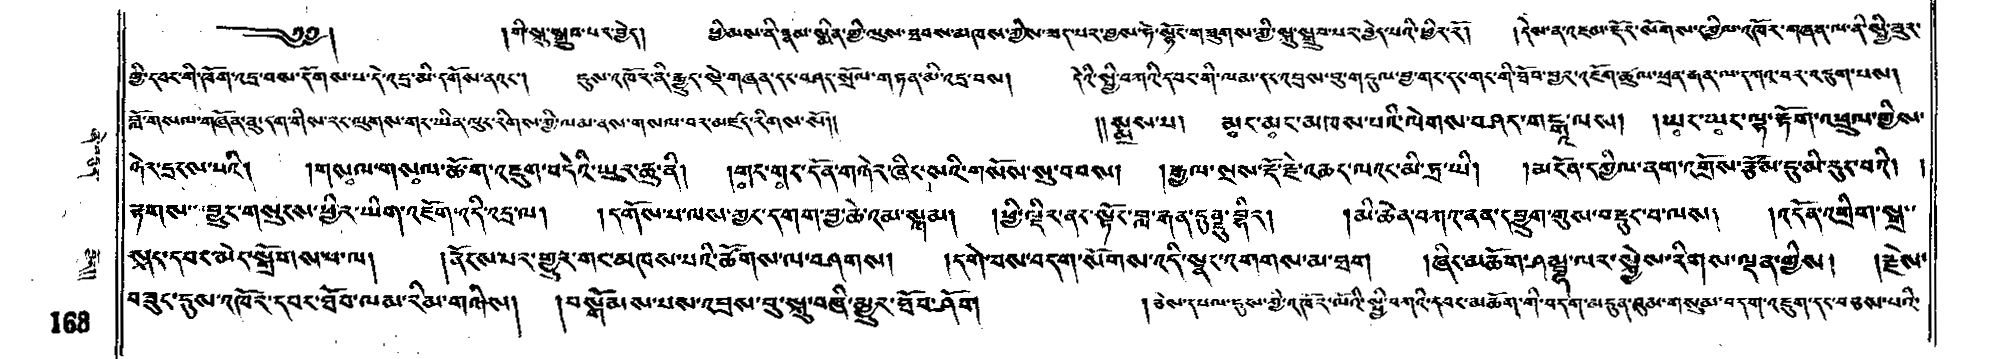༄༅། །གི་སྐུ་སྒྲུབ་པར་བྱེད། ཕྱི་མས་ནི་རྣམ་སྨིན་གྱི་ལུས་ཐབས་མཁས་ཀྱིས་ཟད་པར་བྱས་ཏེ་སྟོང་གཟུགས་ཀྱི་སྐུ་སྒྲུབ་པར་བྱེད་པའི་ཕྱིར་རོ། །དེས་ན་འཇམ་རྡོར་སོགས་དཀྱིལ་འཁོར་གཞན་ལ་ནི་སྤྱི་ཟུར་
གྱི་དབང་གི་ཁོག་འདྲ་བས་དོགས་པ་དེ་འདྲ་མི་དགོས་ནའང་། དུས་འཁོར་ནི་རྒྱུད་སྡེ་གཞན་དང་བཤད་སྲོལ་གཏན་མི་འདྲ་བས། དེའི་སྤྱི་བཀའི་དབང་གི་ལམ་དང་འབྲས་བུ་གདུལ་བྱ་གང་དང་གང་གི་ཐོབ་བྱར་འཇོག་ཚུལ་ཕྲན་རྒན་ལ་དཀའ་བར་འདུག་པས།
བློ་གསལ་གཞོན་ནུ་དག་གིས་རང་ལུགས་གང་ཡིན་ལུང་རིགས་ཀྱི་ལམ་ནས་གསལ་བར་མཛད་རིགས་སོ།། །།སྨྲས་པ། མང་ཡང་མཁས་པའི་ལེགས་བཤད་གངྒཱ་ལས། །ཡང་ཡང་ལྟ་རྟོག་འཕྲུལ་གྱིས་
ཉེར་དྲངས་པའི། །གསལ་གསལ་ཆོ་ག་འཇུག་བདེའི་ཡུར་ཆུ་ནི། །གང་གང་དོན་གཉེར་ཞིང་སའི་གསོས་སུ་བབས། །རྒྱལ་སྲས་རྡོ་རྗེ་འཆད་ལའང་མི་ཏྲ་ཡི། །མངོན་དཀྱིལ་ནག་འགྲོས་རྩོས་ཏུ་མི་རུང་བའི། །
རྟགས་བྱུང་གསུངས་ཕྱིར་ཡིག་འཇོག་འདི་འདྲ་ལ། །དགོས་པ་ལས་ཀྱང་དགག་བྱ་ཆེ་འམ་སྙམ། །ཕྱི་ལྡིར་ནང་སྟོང་བླ་རྒན་དུནྡུ་བྷིར། །མི་ཆེན་བཀའ་ནན་དབྱུག་གུས་བརྡུང་བ་ལས། །འདོན་འགྲིག་སྒྲ་
སྐང་དབང་མེད་སྒྲོགས་པ་ལ། །ནོངས་པར་གྱུར་གང་མཁས་པའི་ཚོགས་ལ་བཤགས། །དགེ་བས་བདག་སོགས་འདི་སྣང་འགགས་མ་ཐག །ཞིང་མཆོག་ཤམྦྷ་ལར་སྐྱེས་རིགས་ལྡན་གྱིས། །རྗེས་
བཟུང་དུས་འཁོར་དབང་ཐོབ་ལམ་རིམ་གཉིས། །བསྒོམས་པས་འབྲས་བུ་སྐུ་བཞི་མྱུར་ཐོབ་ཤོག །ཅེས་དཔལ་དུས་ཀྱི་འཁོར་ལོའི་སྤྱི་བཀའི་དབང་མཆོག་གི་བདག་མདུན་བུམ་གསུམ་བདག་འཇུག་དང་བཅས་པའི་